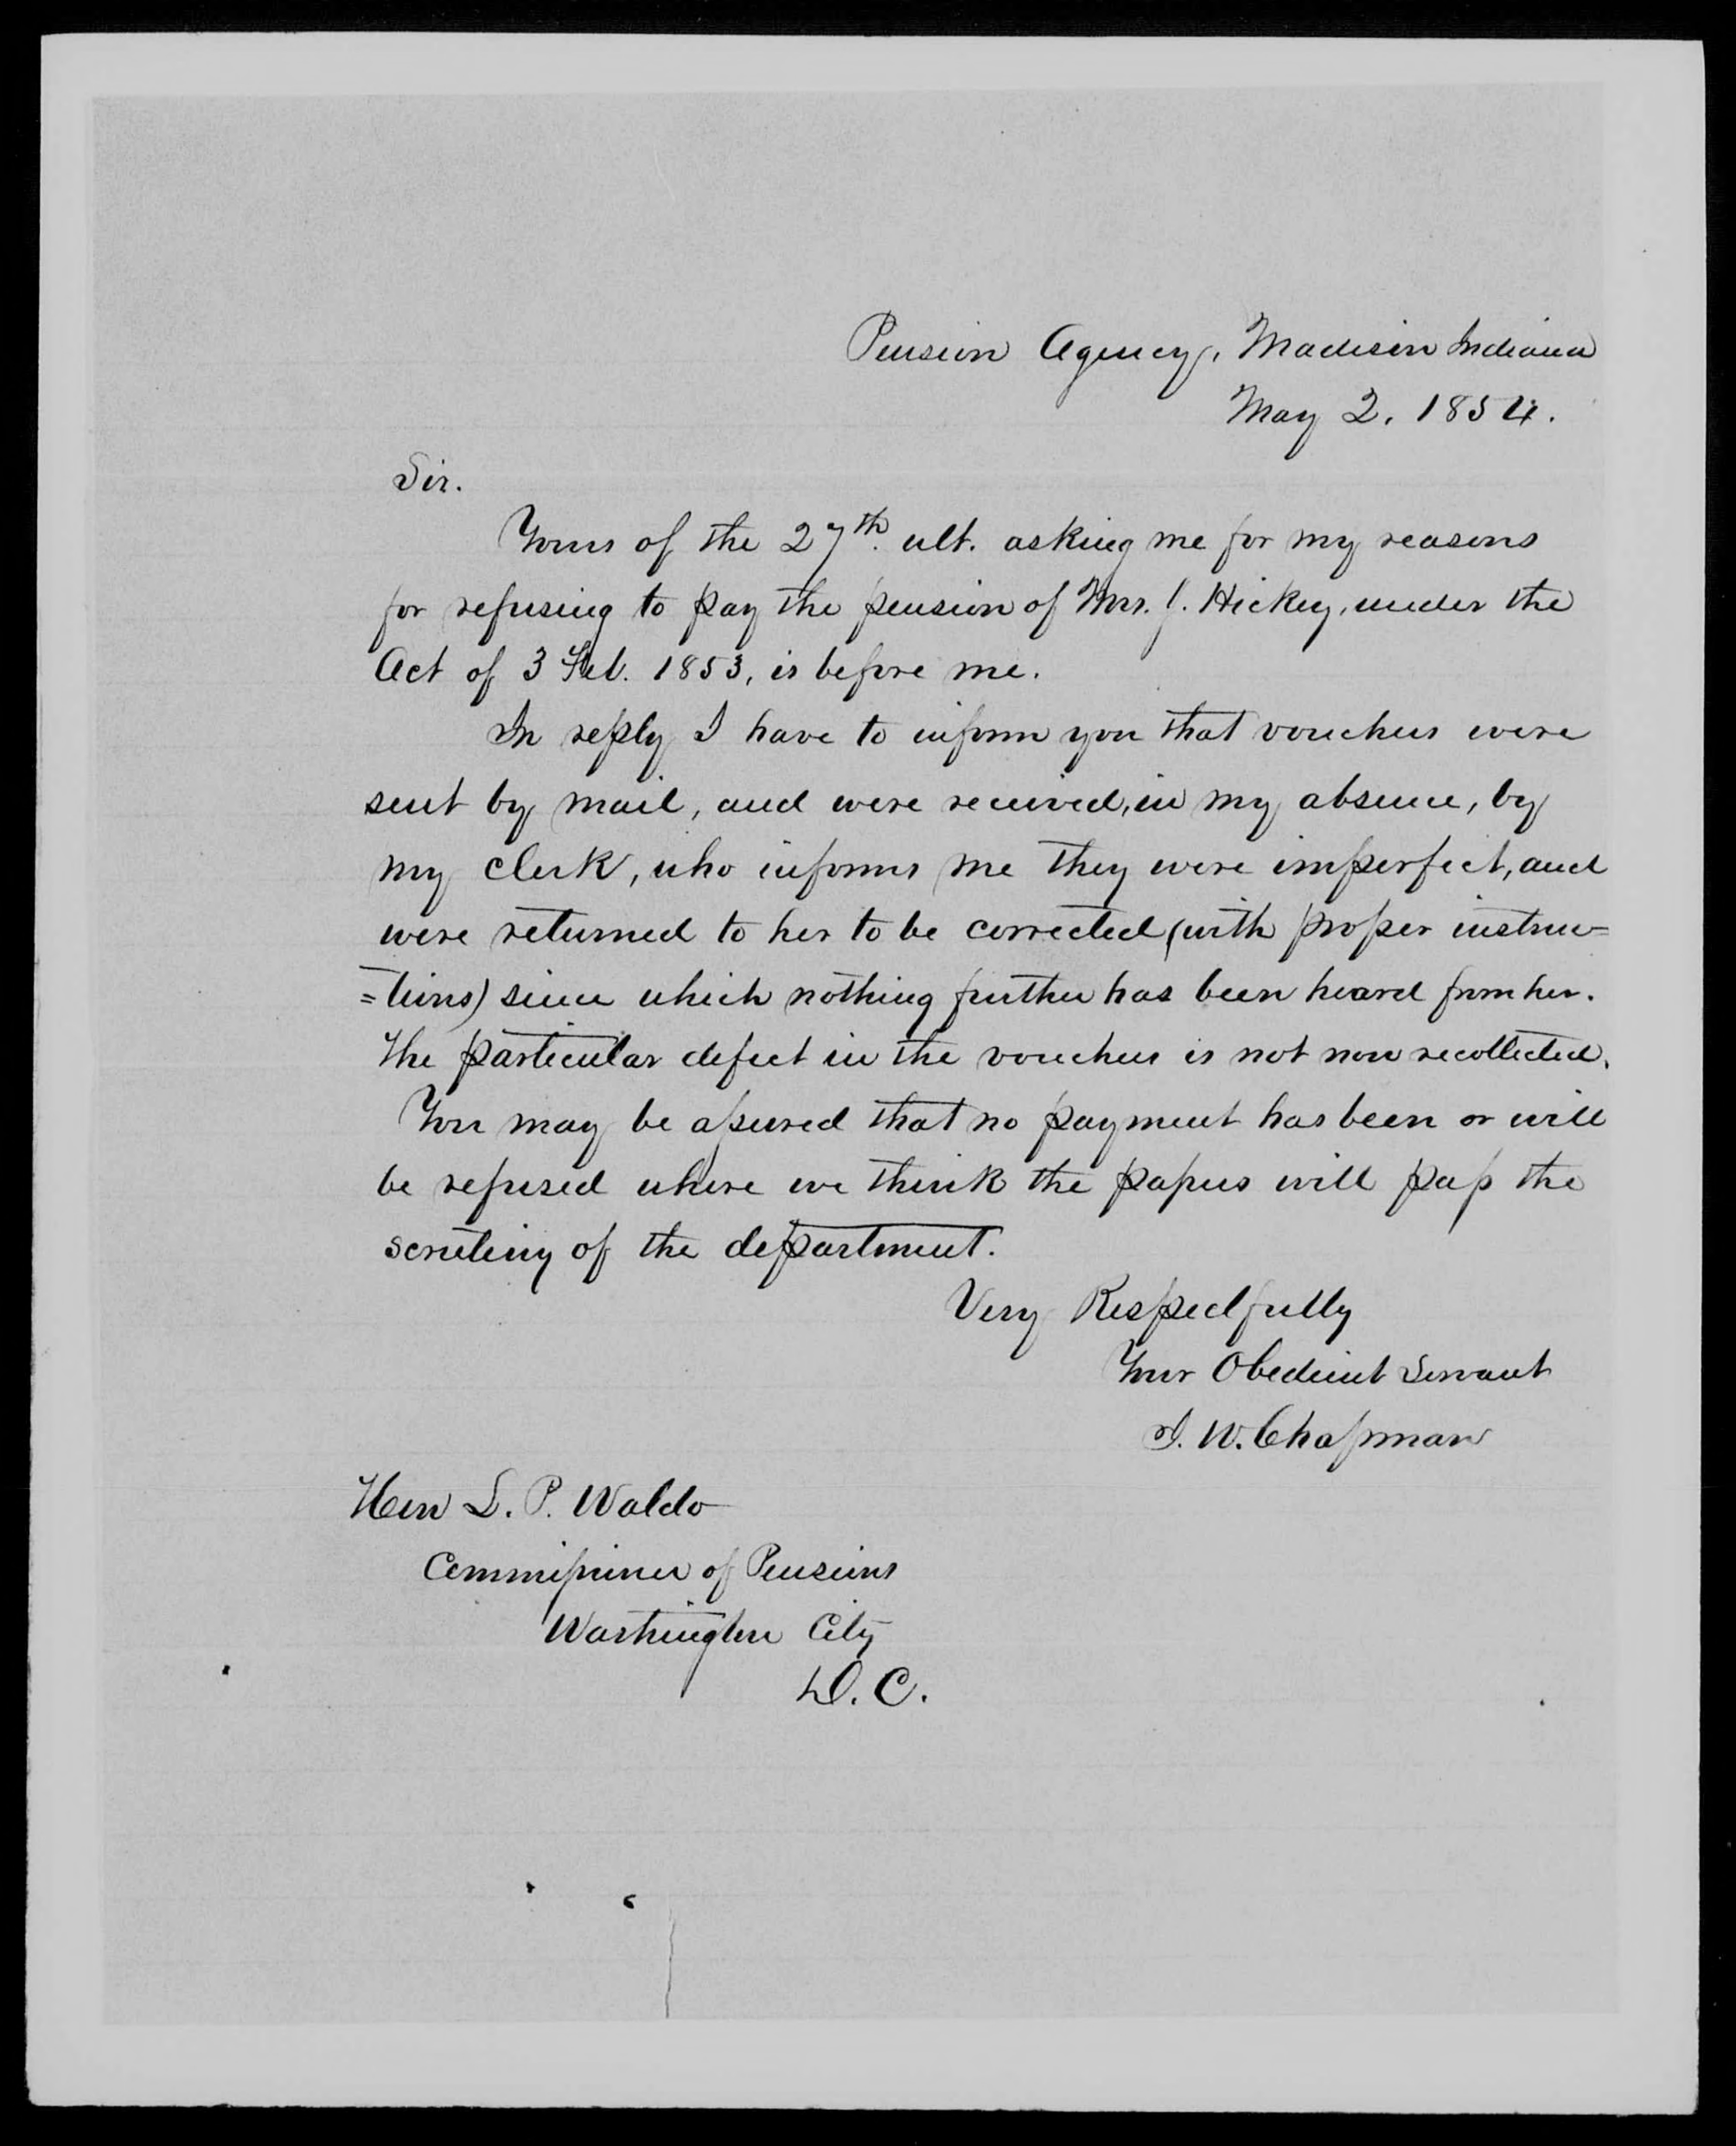Pension Agency, Madison Indiana
May 2, 1854.
Sir.
Yours of the 27th ult, asking me for my reasons
for refusing to pay the pension of Mrs. J. Hickey, under the Act of 3 Feb 1853, is before me.
In reply I have to inform you that vouchers were sent by mail, and were received, in my absence, by my clerk, who informs me they were imperfect, and were returned to her to be corrected (with proper instructions) since which nothing further has been heard from her.
The particular defect in the vouchers is not now recollected.
You may be assured that no payment has been or will be refused where we think the papers will pass the scrutiny of the department.
Very Respectfully
Your Obedient Servant
J. W. Chapman
Hon L. P. Waldo
Commissioner of Pensions
Washington City
D.C.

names: J Hickey, J W Chapman, L P Waldo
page: 75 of 84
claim: widow's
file: W. 7744, Daniel Hickey, Penn.